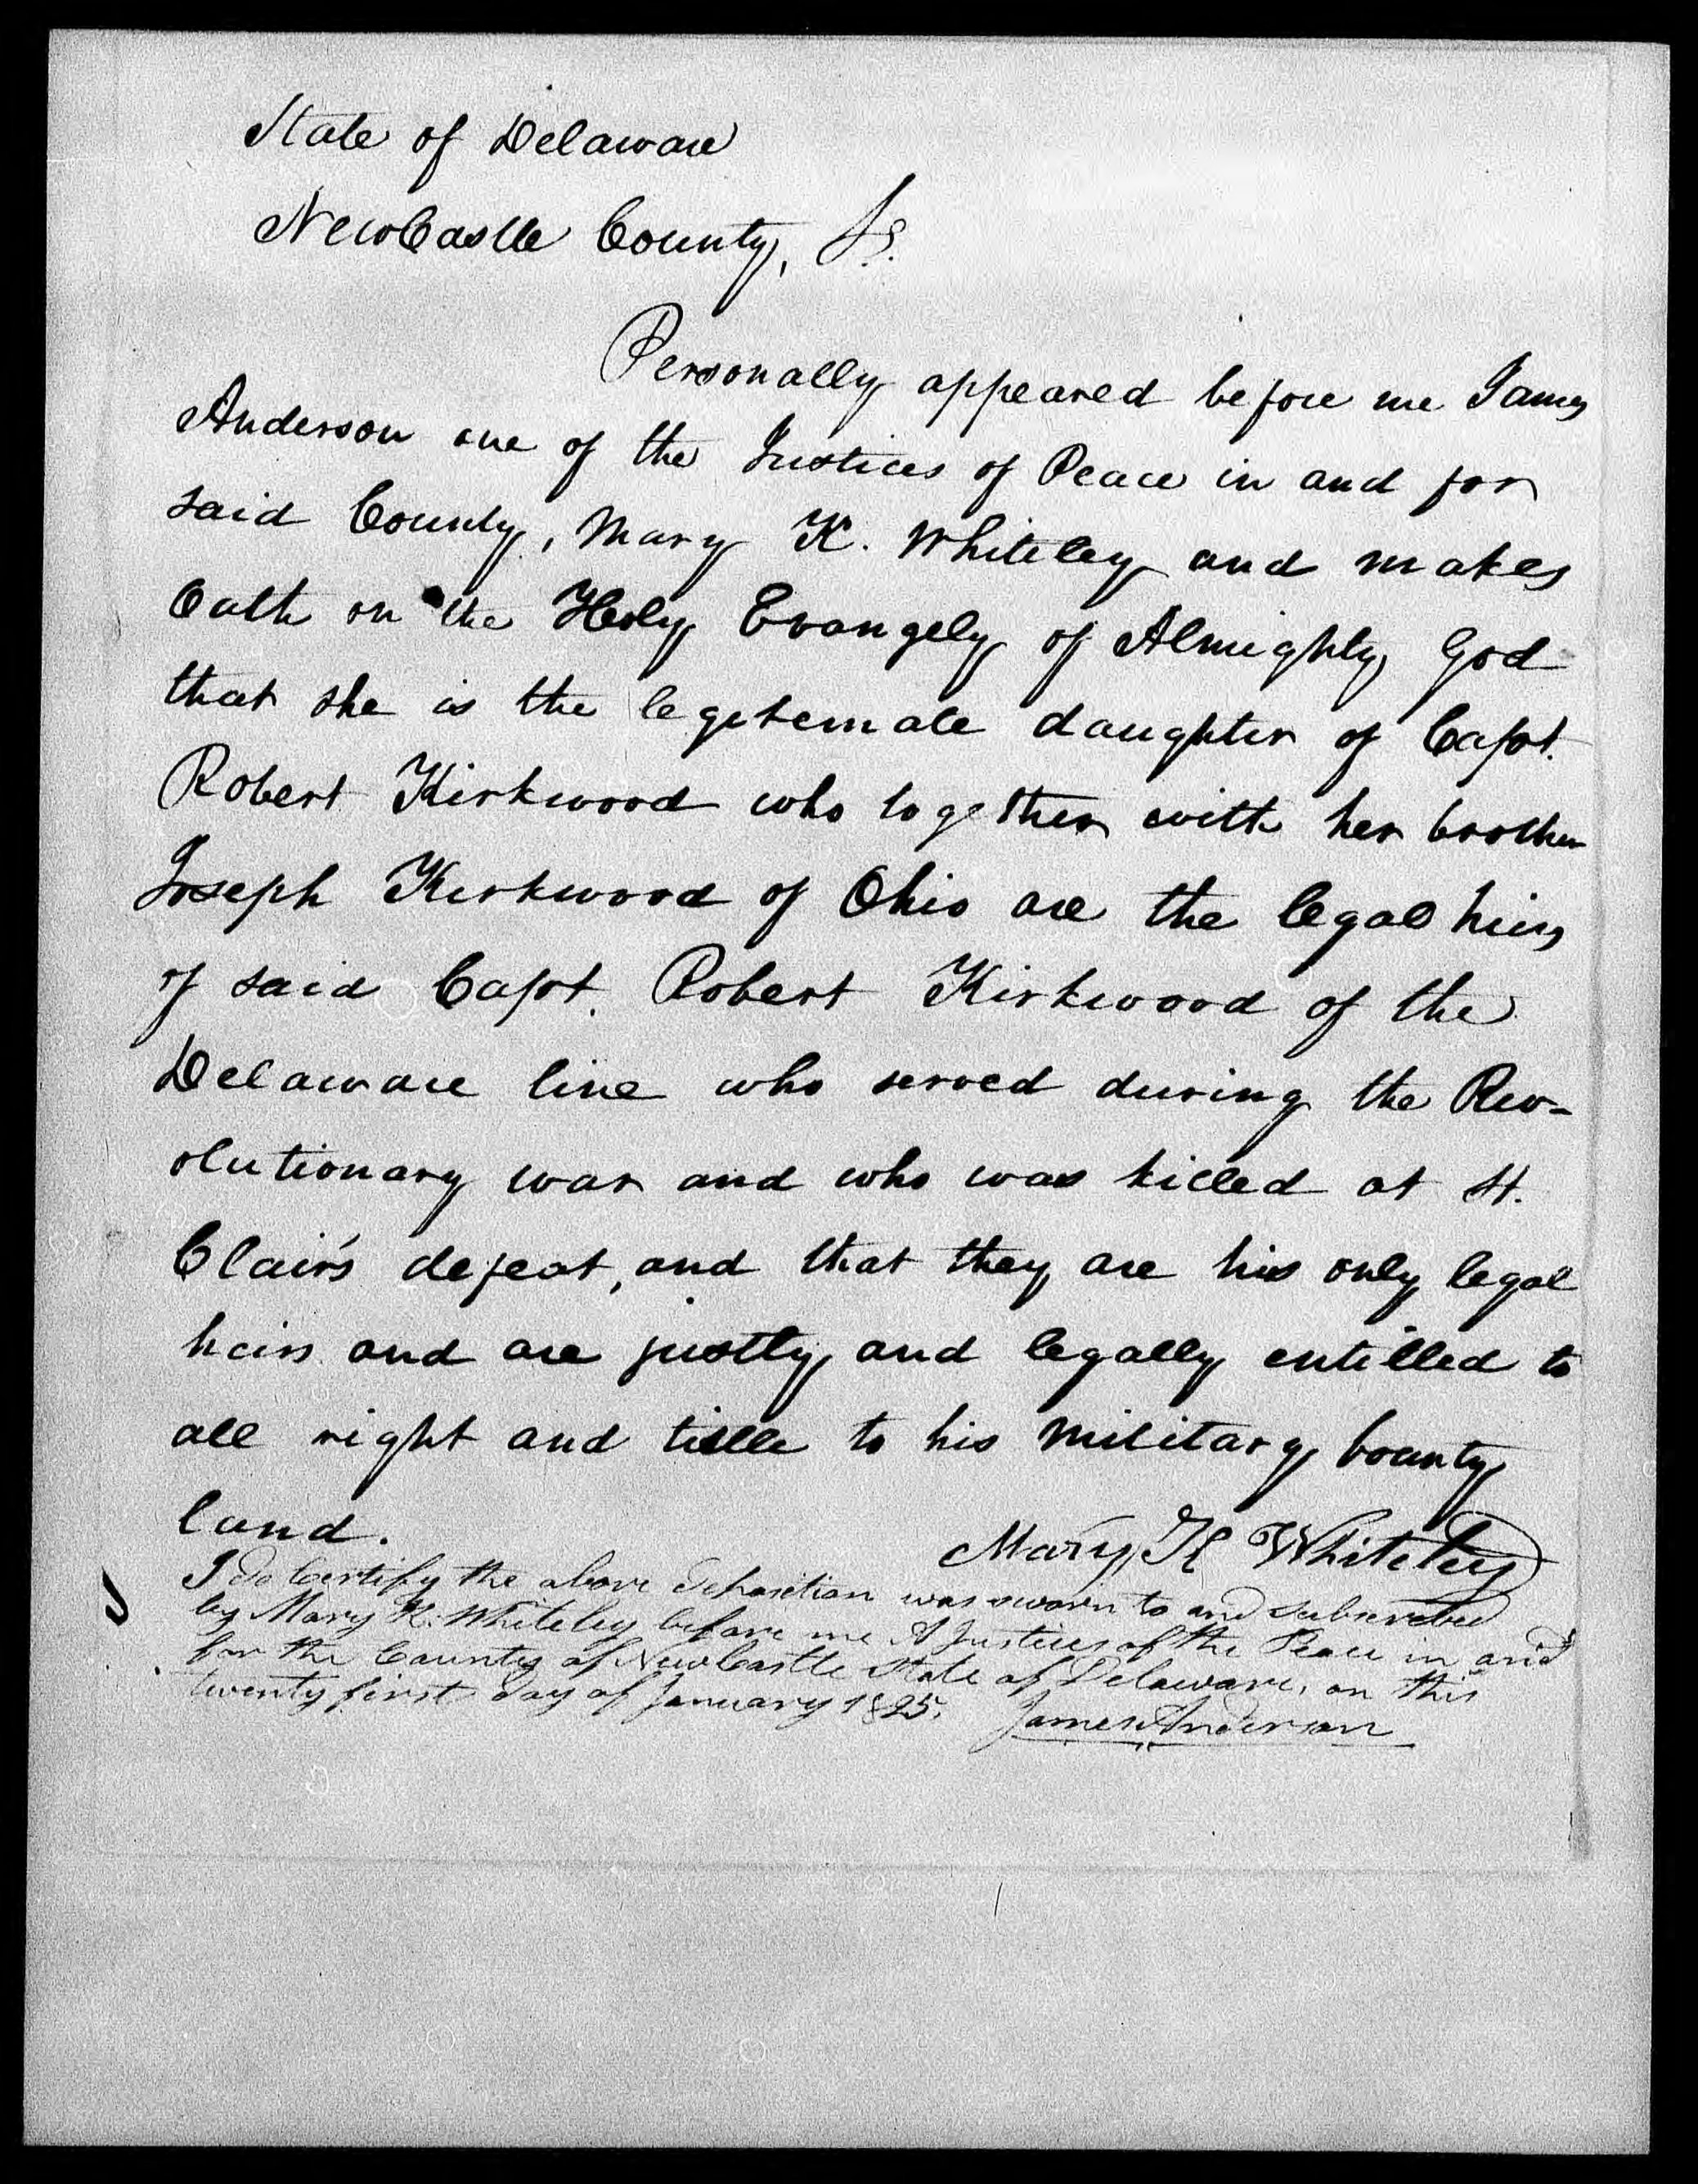State of Delaware
New Castle County, S
Personally appeared before me James
Anderson one of the Justices of Peace in and for said County Mary K. Whiteley and makes
Oath on the Holy Evangely of Almighty God
that she is the legitimate daughter of Capt
Robert Kirkwood who together with her brother
Joseph Kirkwood of Ohio are the legal heirs
of said Capt. Robert Kirkwood of the
Delaware line who served during the Revolutionary war and who was killed at H.
Clair's defeat, and that they are his only legal
heirs and are justly and legally entitled to
all right and title to his military bounty
land.
I do Certify the above deposition
was sworn to and subscribed
by Mary K Whiteley before me
A Justice of the Peace in and
for the County of New Castle State of Delaware, on this
twenty first day of January 1825
James Anderson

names: James Anderson; Joseph Kirkwood; Mary K Whiteley; Robert Kirkwood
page: 3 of 20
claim: bounty land warrant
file: B. L. Wt. 1102-300, for Robert Kirkwood, Delaware